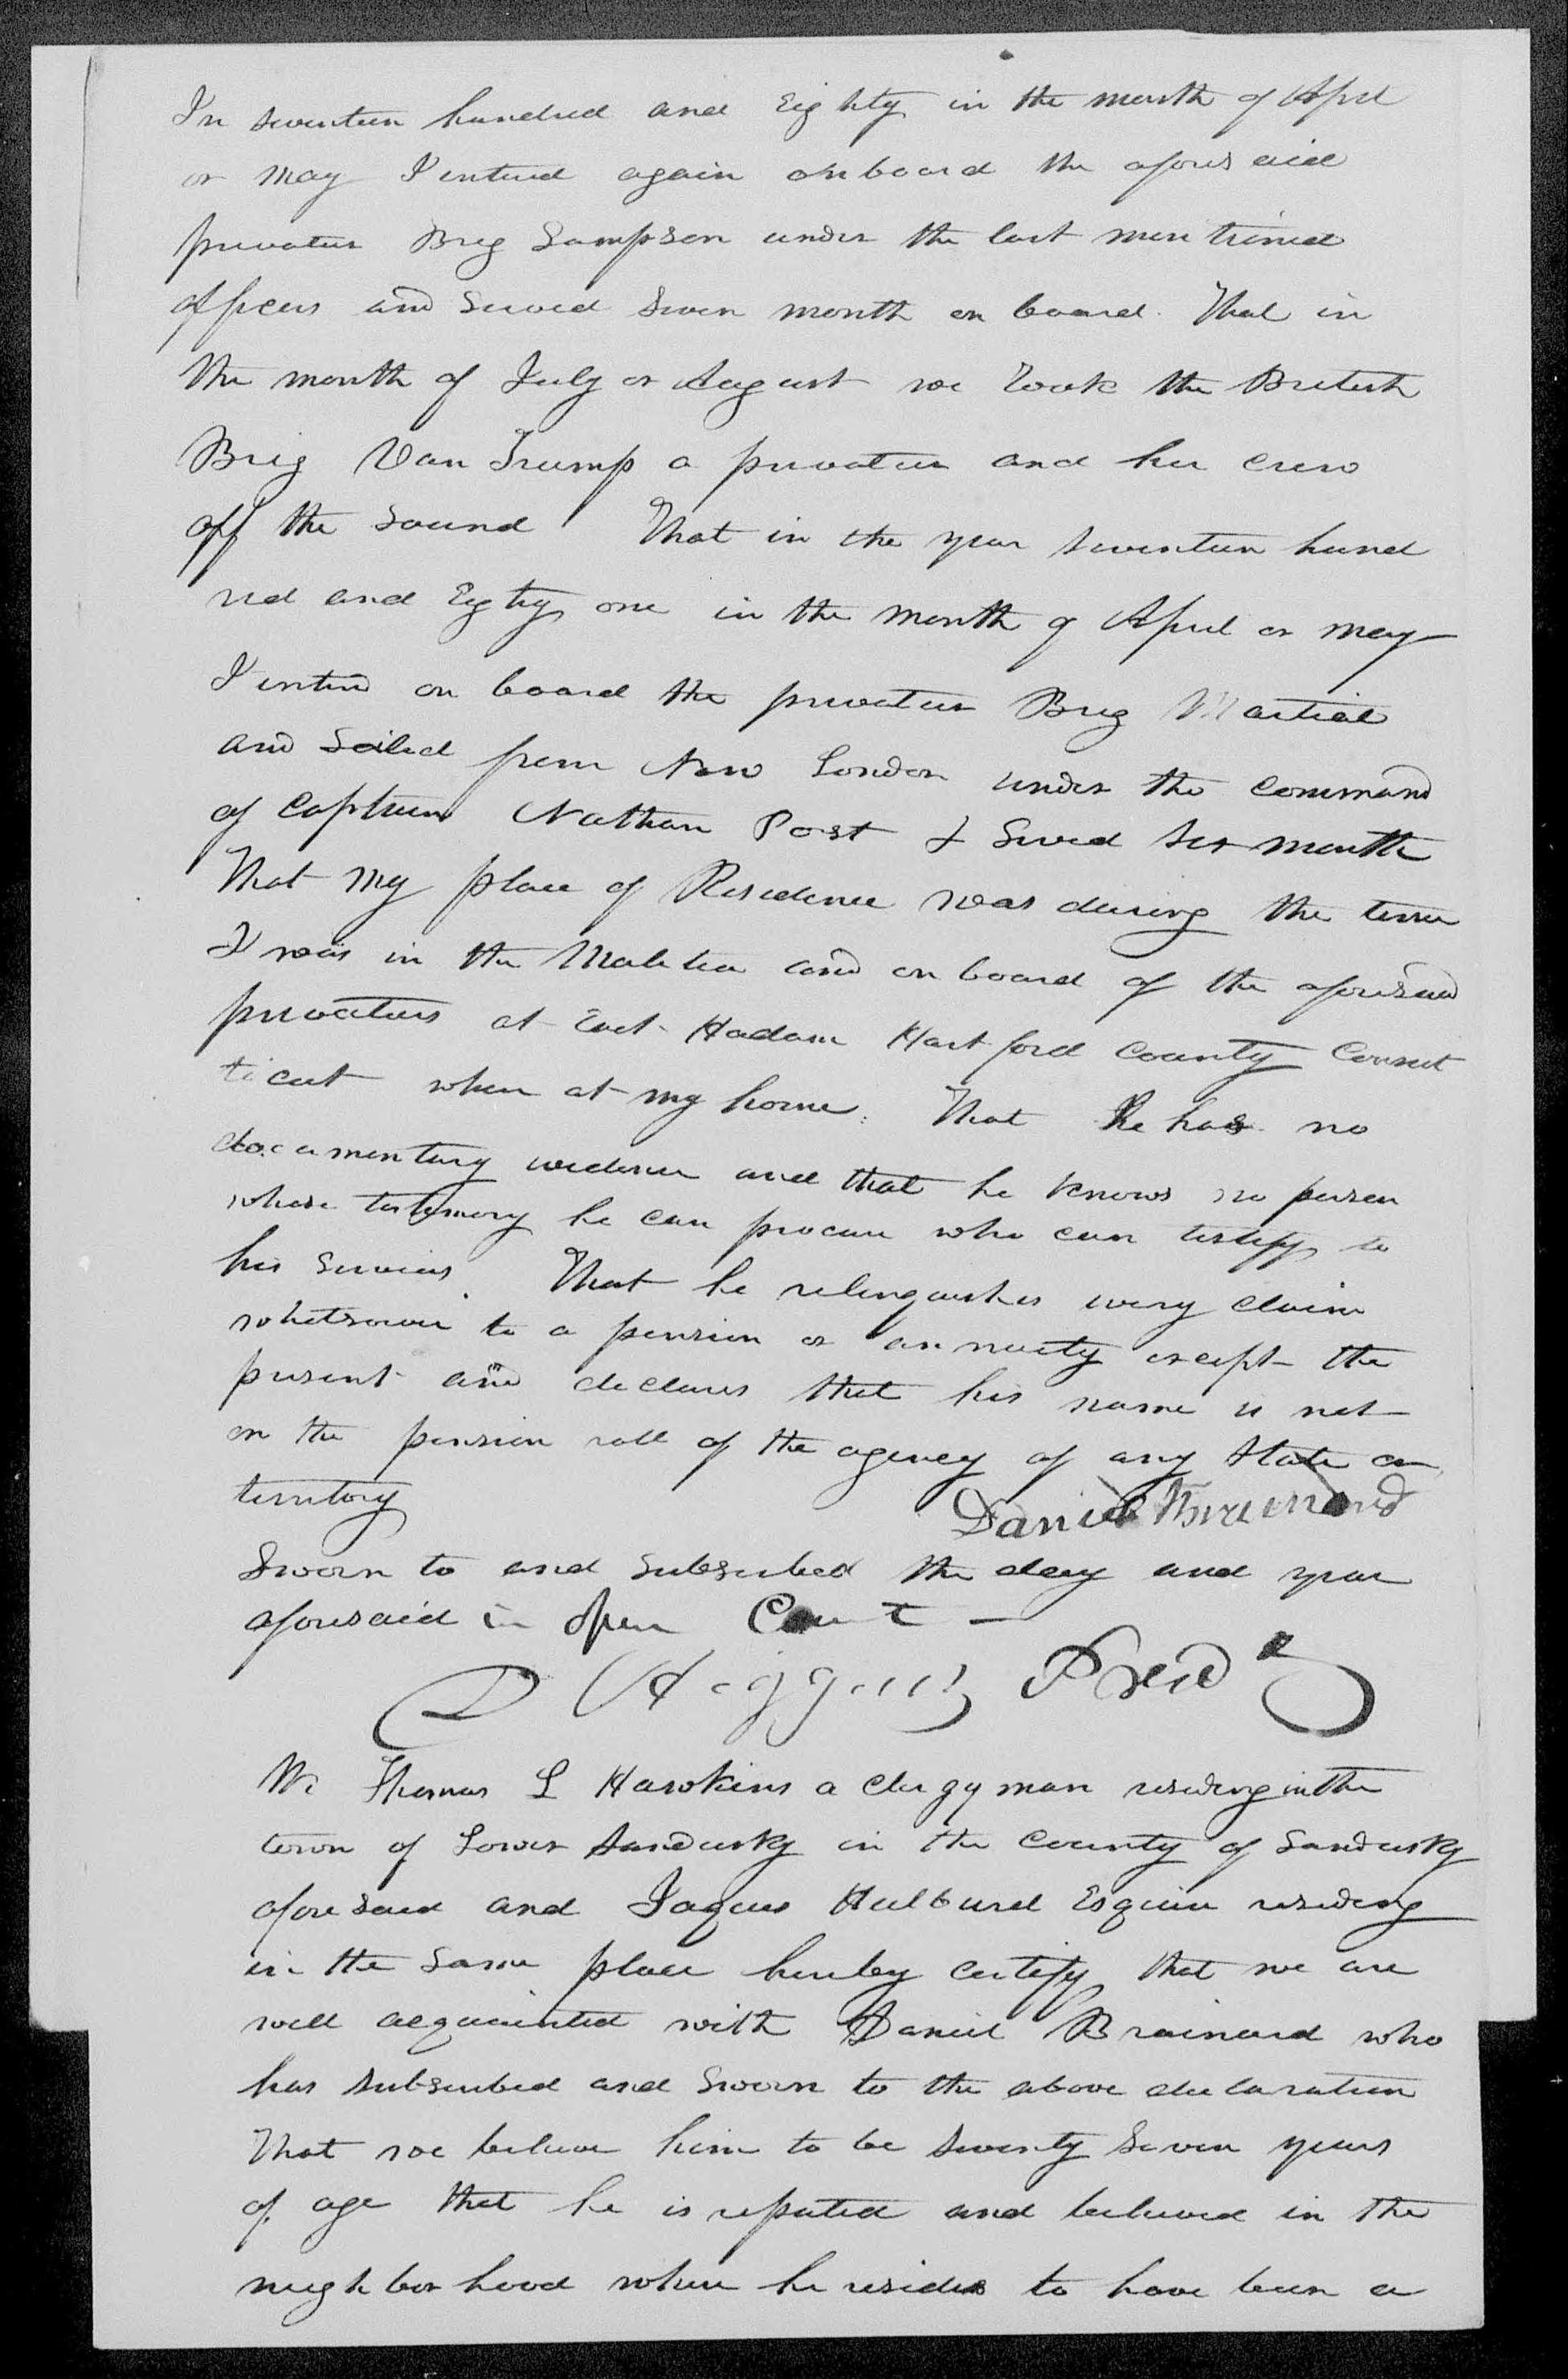In seventeen hundred and eighty in the month of April or May I entered again onboard the aforesaid privateer Brig Sampson under the last mentioned officers and served seven months on board. That in the month of July or August, we took the British Brig Van Trump a privateer and her crew off the sound. That in the year seventeen hundred and eighty one in the month of April or May, I entered on board the privateer Brig Martial and sailed from New London under the command of Captain Nathan Post and served  six months. That my place of Residence was during the term I was in the Militia and on board of the aforesaid privateers at East Hadan Hartford County Connecticut when at  my home. That he has no documentary eveidence and that he knows no person whose testimony he can procure who can testify to his service. That he relinquished every claim to a pension or annuity except the present and declares that his name is not on the pension roll of the agency of any state or territory.

Daniel Brainard

Sworn to and subscribed the day and year aforesaid in open court.

D Higgins

Mr. Thomas L. Hawkins a clergyman serving within the town of Lower Sandusky in the county of Sandusky aforesaid and Jaques Hulburd Esquire residing in the same place hereby certify that we are well acquainted with Daniel Brainard who has subscribed and sworn to the above declaration. That we believe him to be seventy seven years of age that he is reputed and believed in the neighborhood where he resides to have been a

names: Daniel Brainard, Thomas L Hawkins, Nathan Post, Jaques Hulburd, D Higgins, Daniel Brainard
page: 6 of 30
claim: survivor's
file: S. 3099, Daniel Brainard, Conn. Privateer